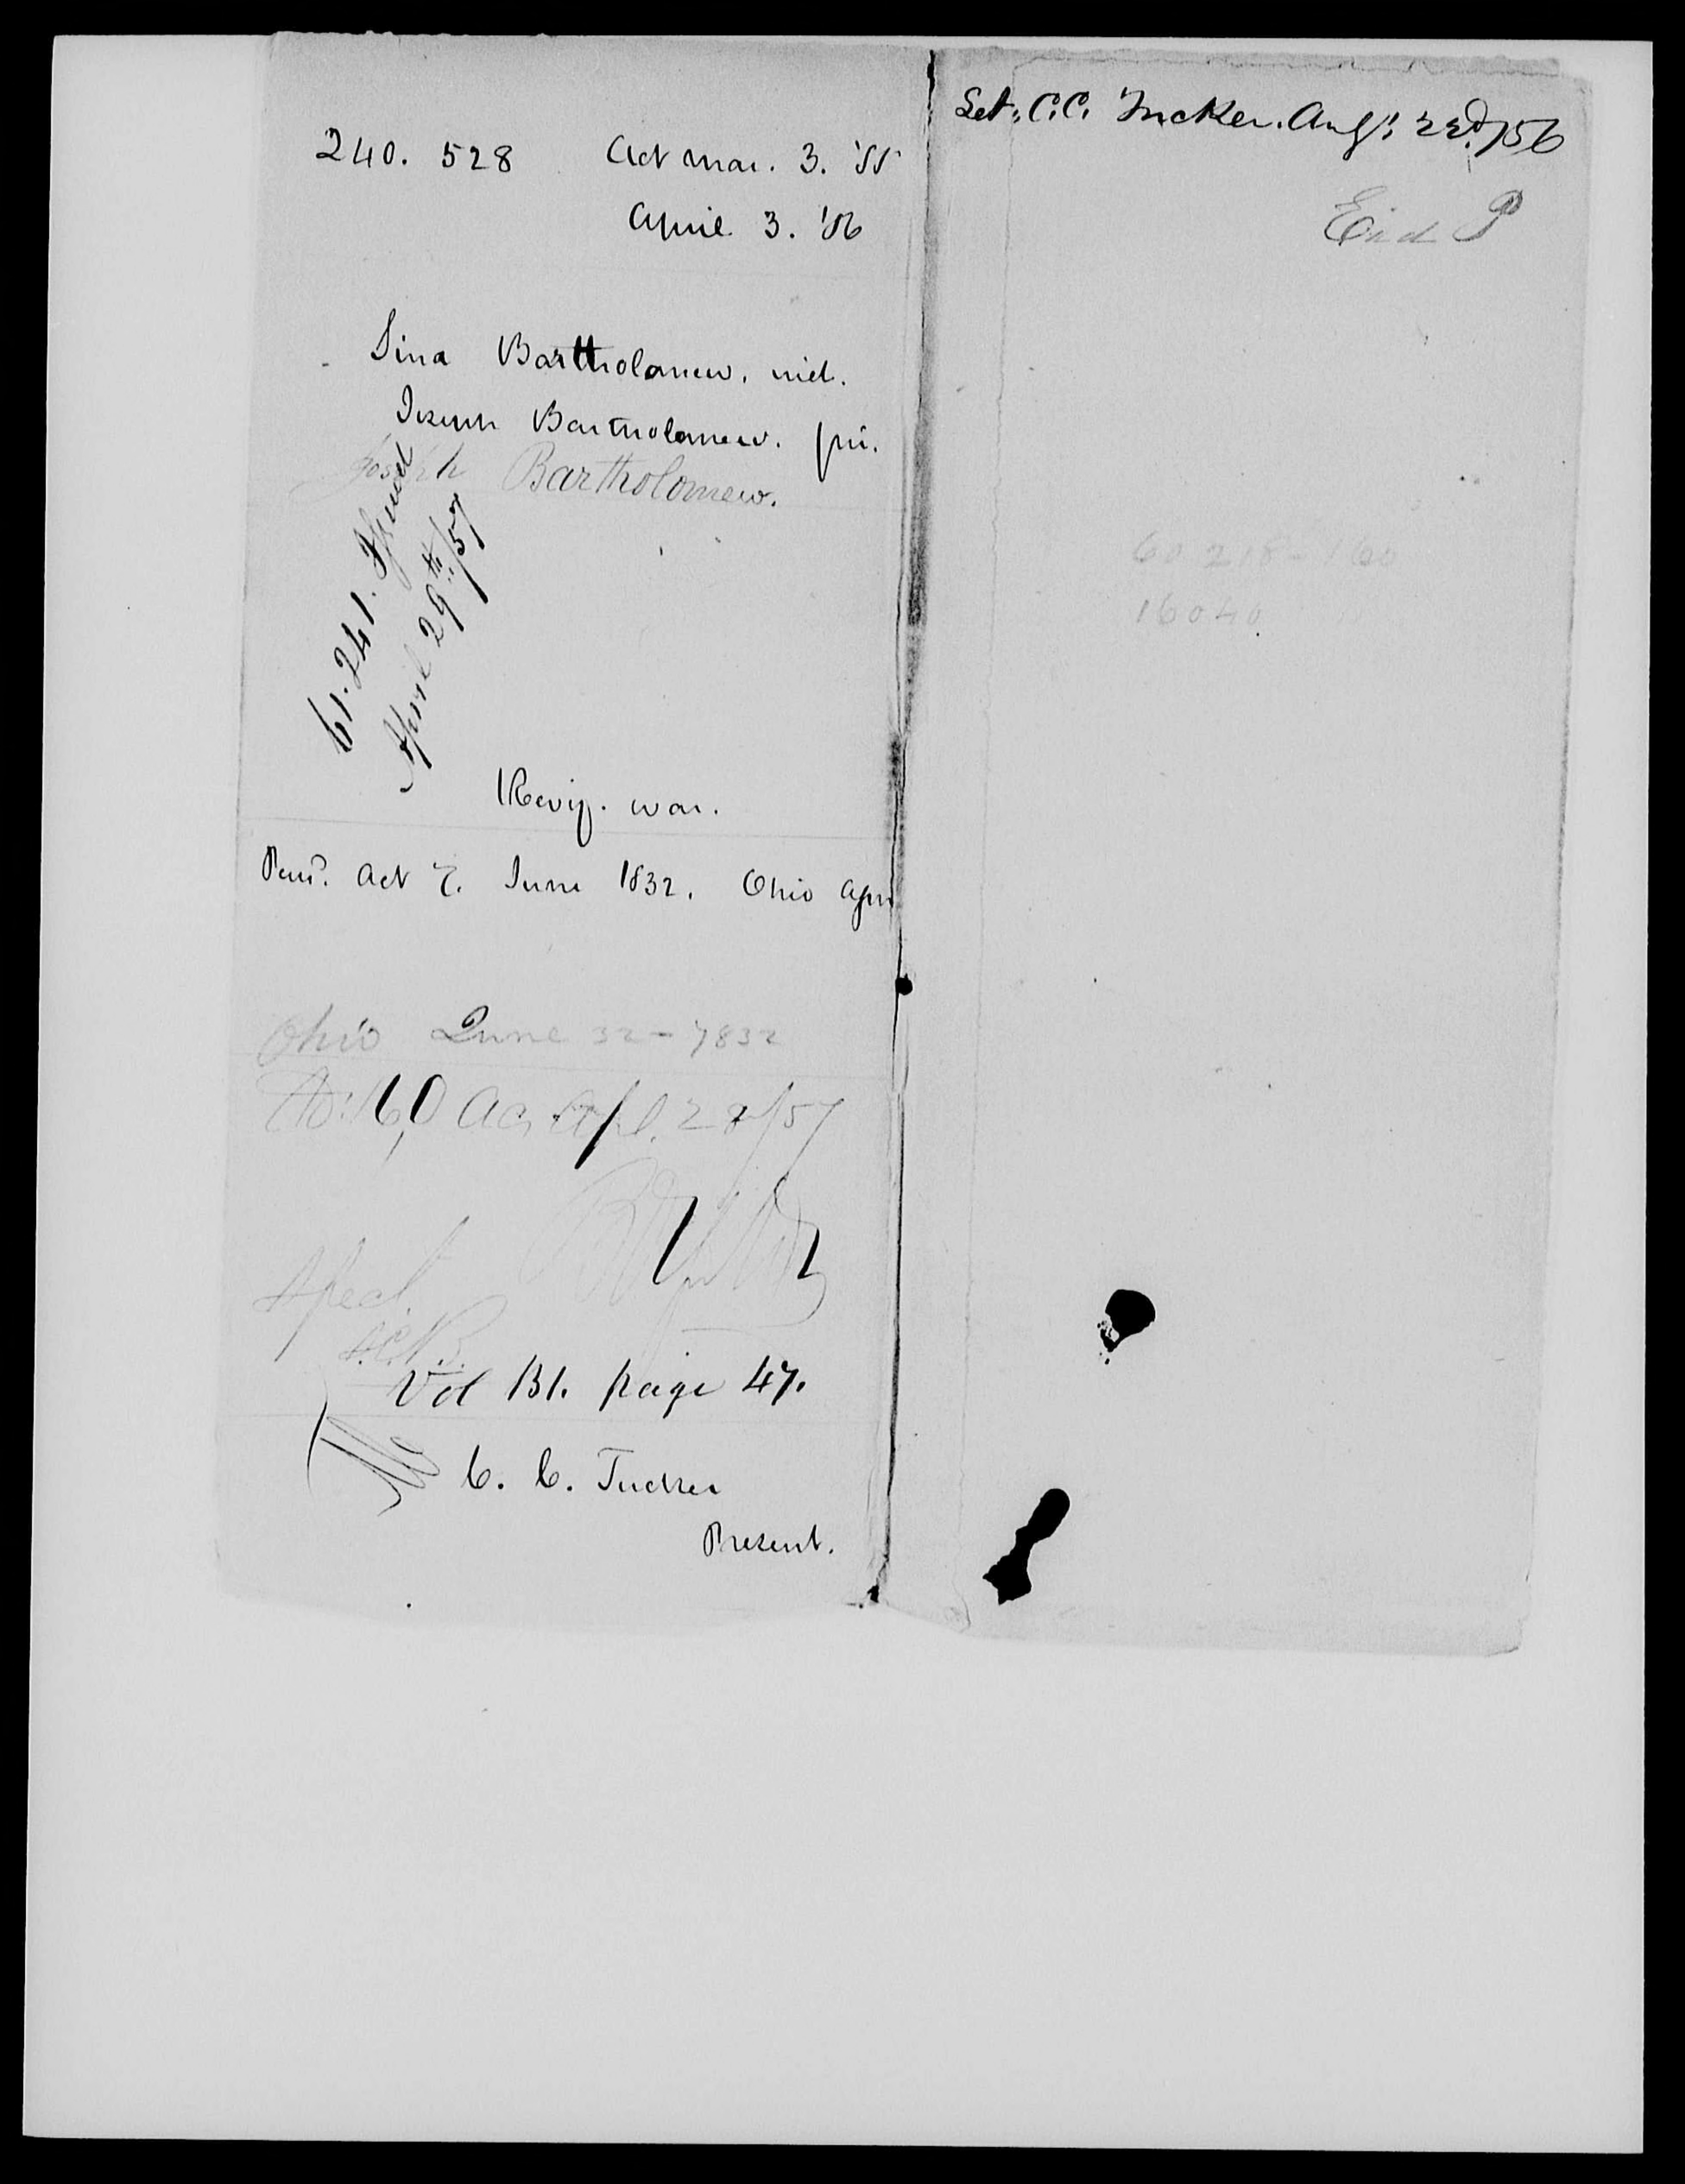240.528
Act Mar 3. '55
April 3. '66
Sina Bartholomew, wid.
Joseph Bartholomew, pri.
Joseph Bartholomew. [signature]

[written across page] 
61.241.[illegible]  April 29th/57

Reviy. War.
[illegible] Act 7 June 1832, Ohio Apr

Ohio June 3rd - 1832
[illegible] 160 ac Aprl 29/57
[illegible signature]
Spect  S.C.B.

Vol 131, page 47.
C.C. Tucker
Present.
Set: C.C. Tucker. Aug. 22d/56
Erid P

60218-160
16040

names: Joseph Bartholomew, C C Tucker, Joseph Bartholomew, Sina Bartholomew, C C Tucker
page: 4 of 76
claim: widow's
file: W. 9345, Joseph Bartholomew, Conn.